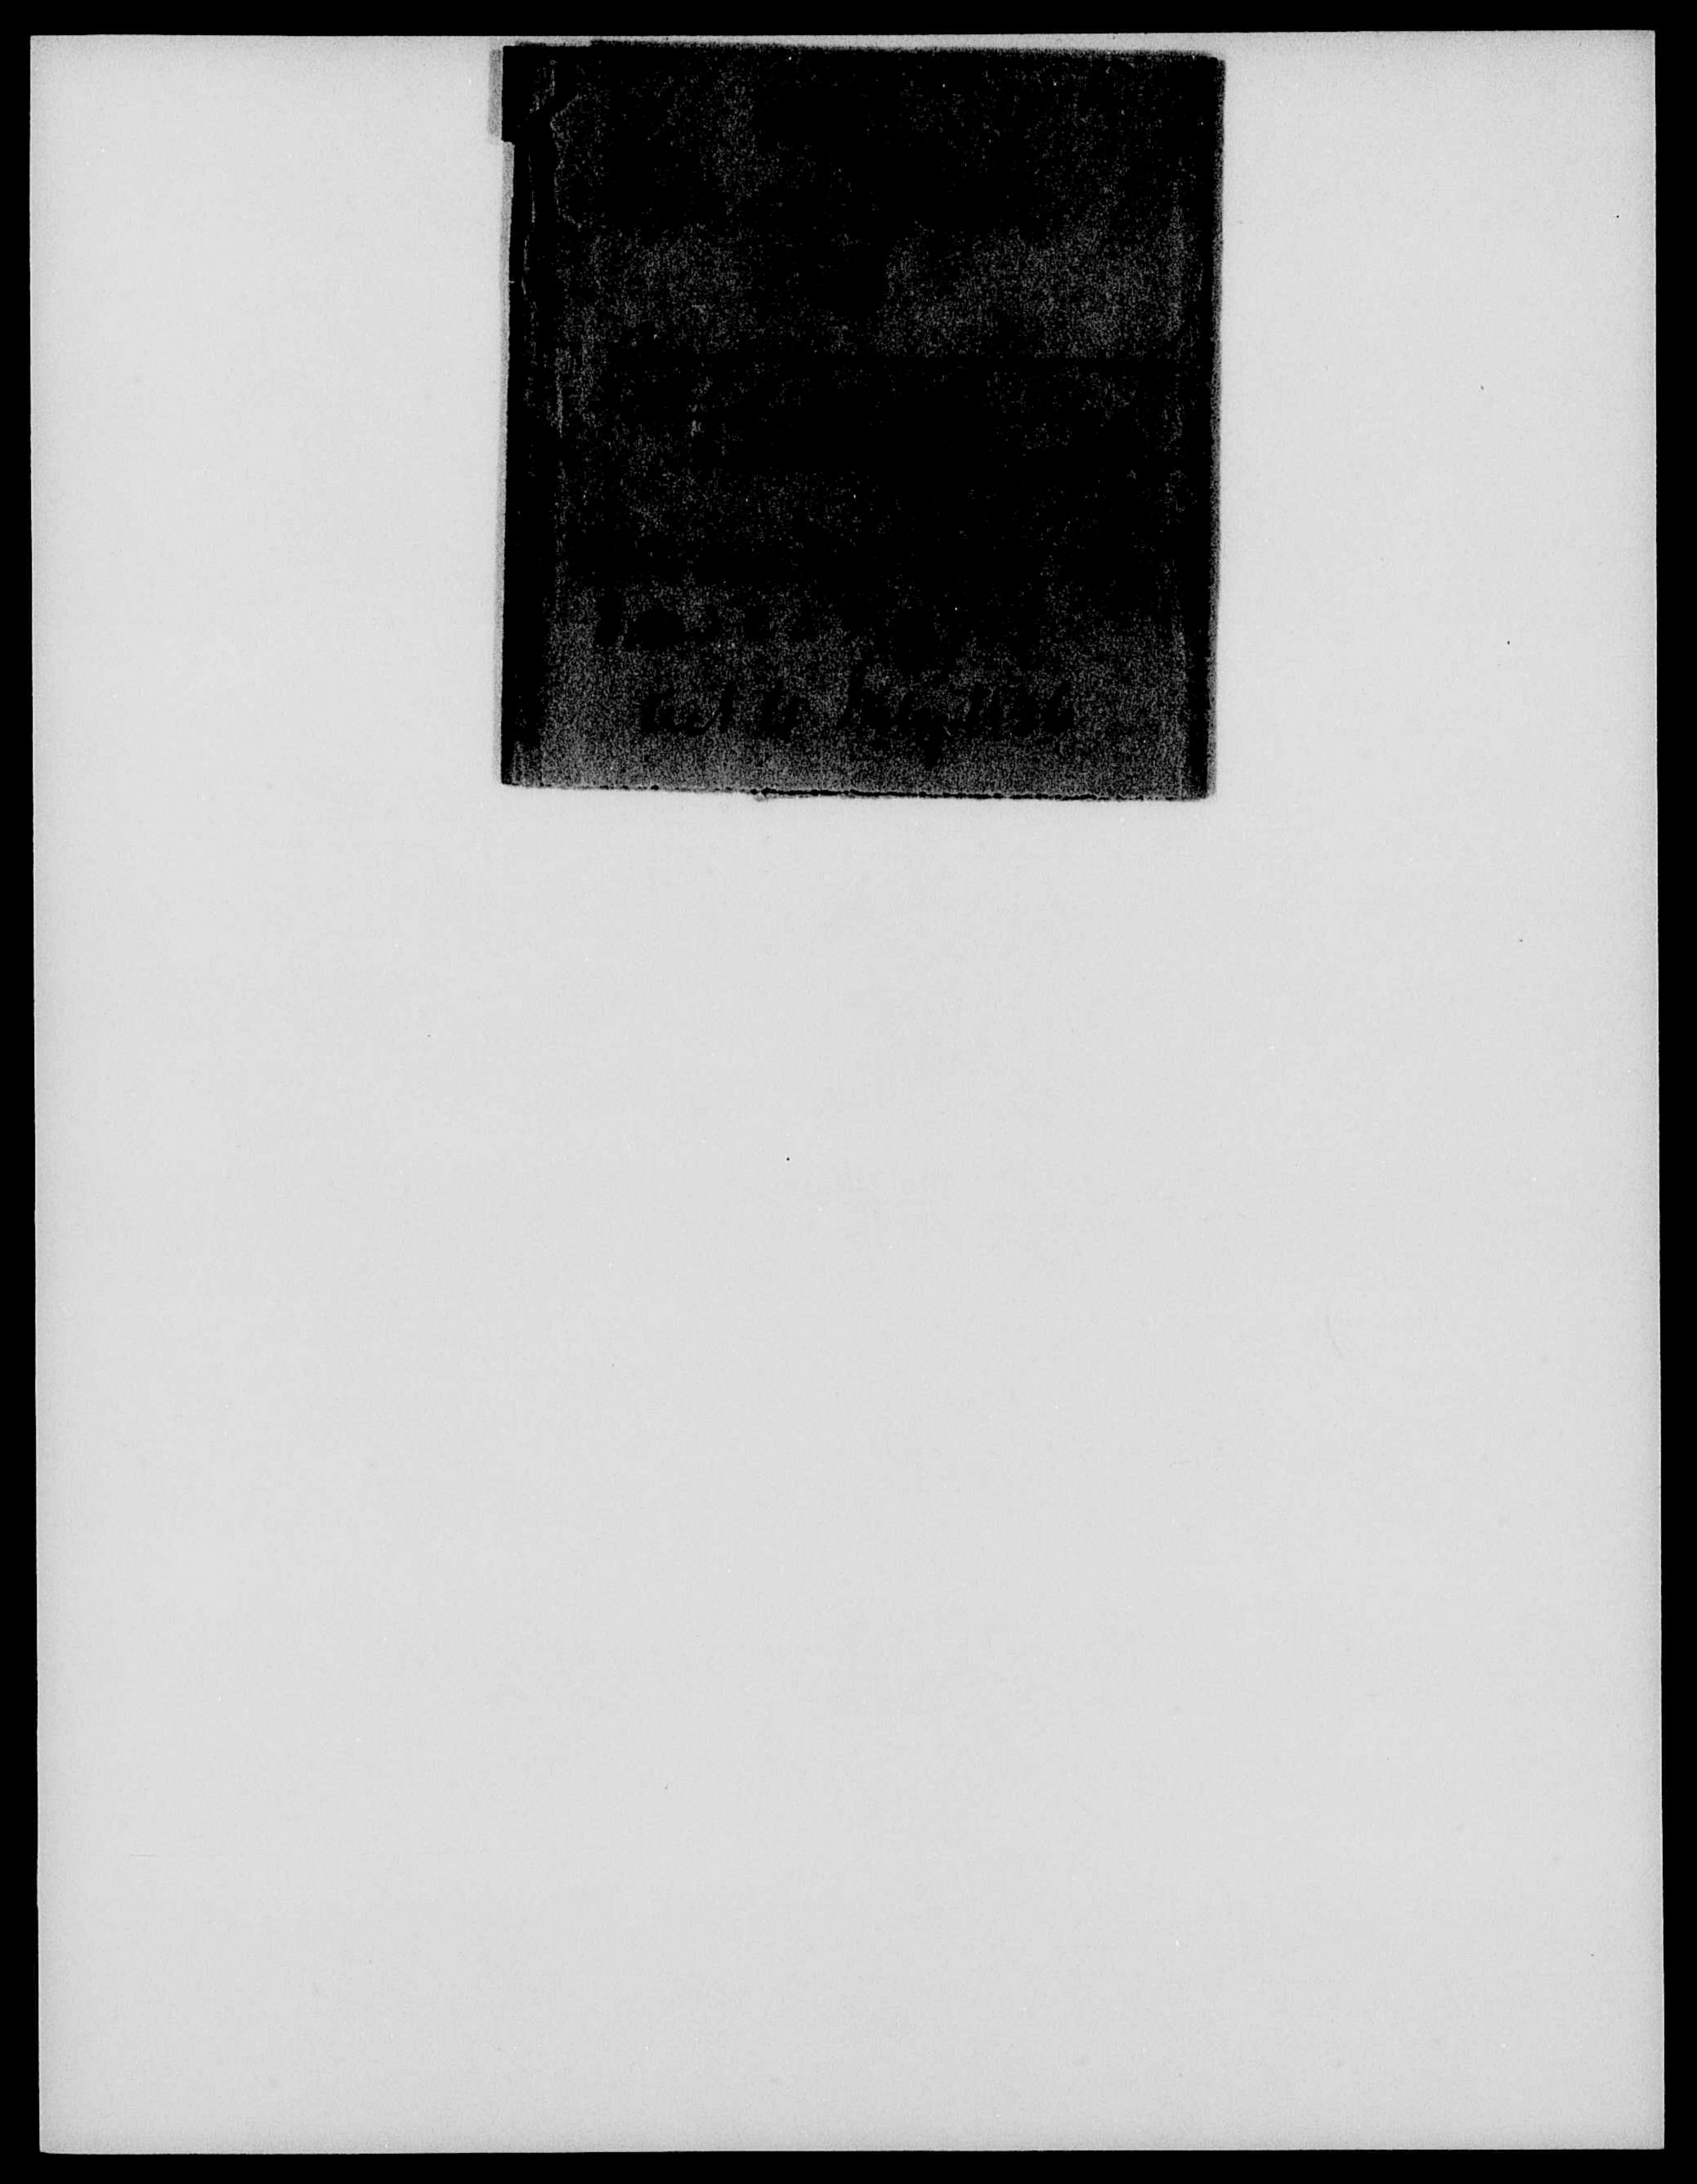[There is no information on this image to transcribe, just a dark item, maybe a seal]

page: 21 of 40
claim: widow's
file: W. 3,588, for John Parker, Pennsylvania